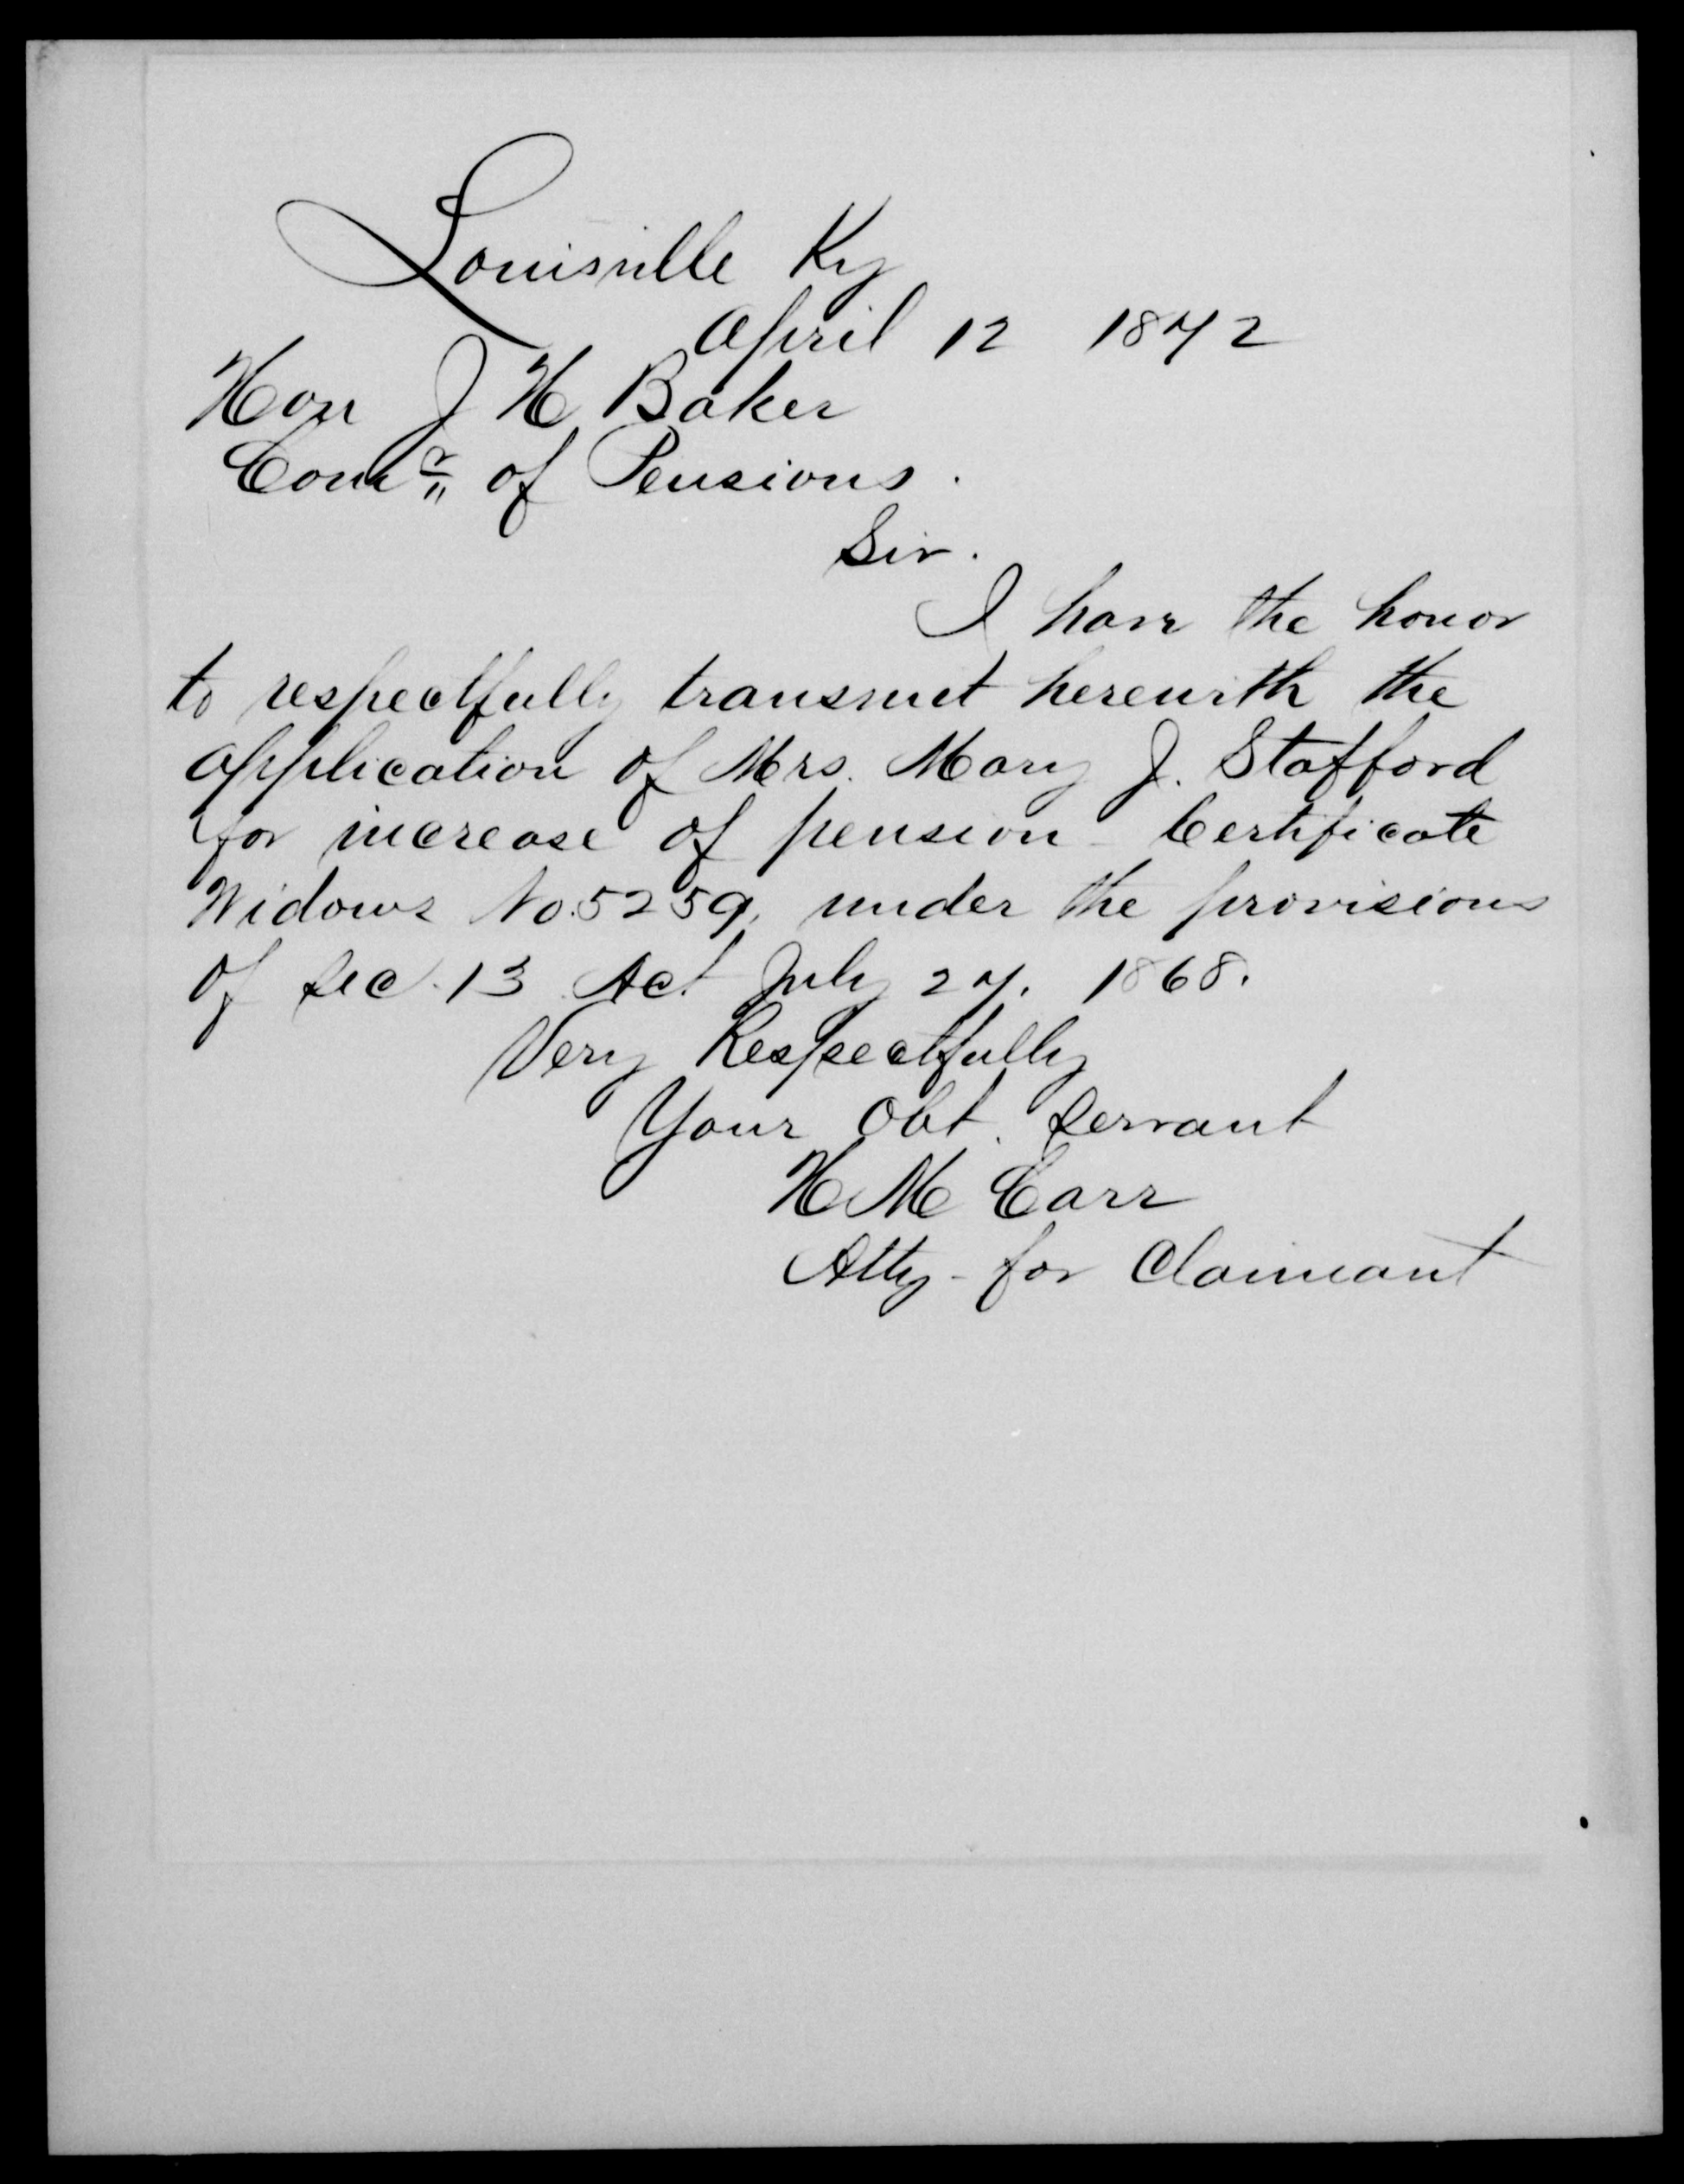Louisville KY
April 12 1842
Hon. J. H Baker
Commr of Pensions
Sir:
I have the honor to respectfully transmit herewith the application of Mrs. Mary J. Stafford tor increase of pension . Certificate Widows No. 5259 under the provisions of Sec. 13 Act July 27, 1868.
Very Respectfully
Your Obt. Servant
H. M. Carr
Atty for Claimant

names: H M Carr; J H Baker; Mary J Stafford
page: 32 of 61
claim: widow's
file: W. 11554, for John Stafford, Maryland